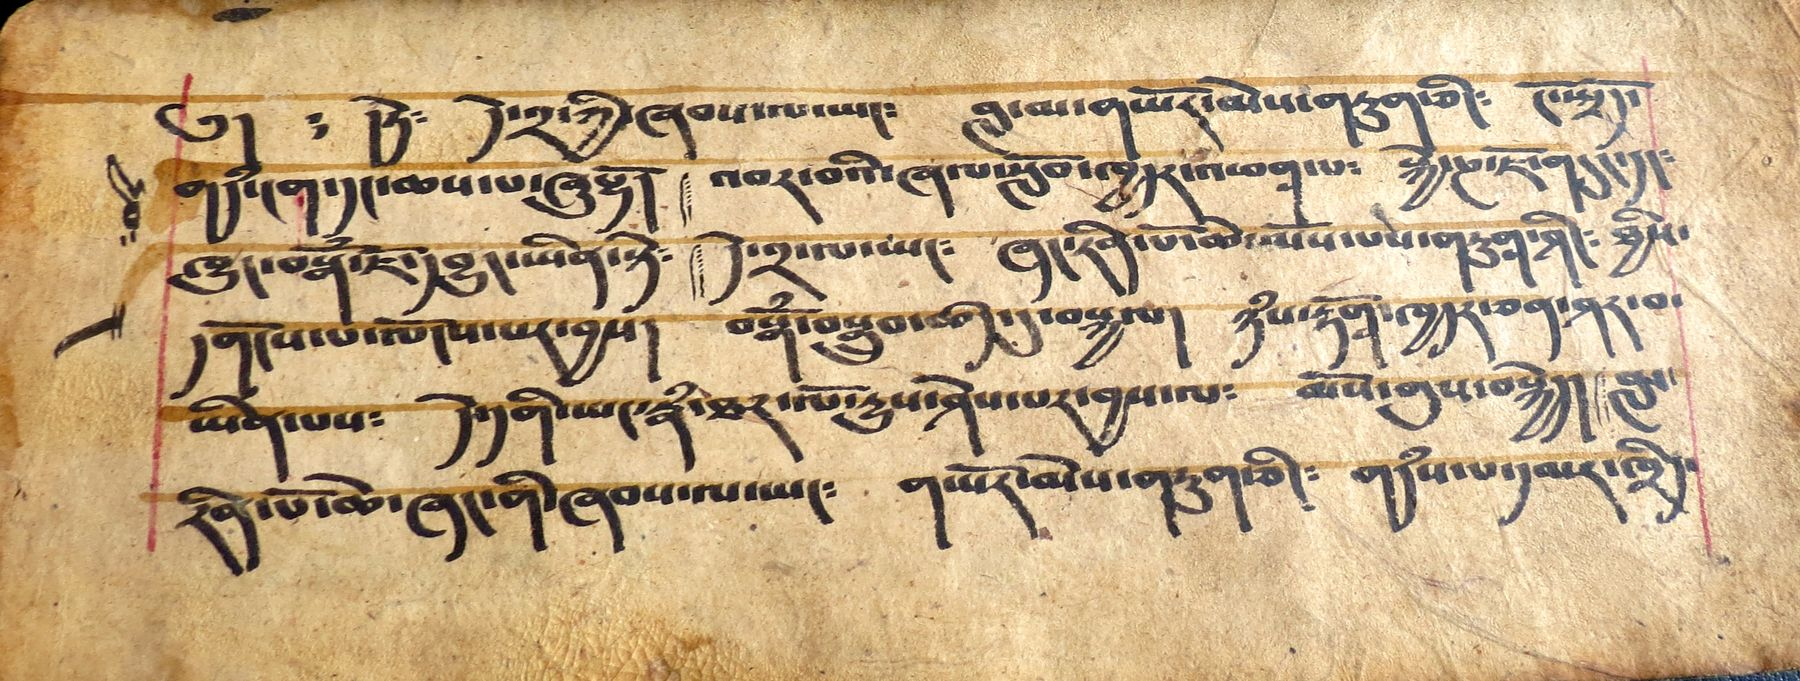ཏེ། དེ་གཉིས་ཀྱི་ཞབས་ལ་ཡང་བླ་མ་གཡོར་མེས་༼གཡོར་པོ་མེ་དཔལ༽གཏུགས་ཤིང་། ངོ་སྤྲོད་
གདམས་ངག་དང་བཅས་པ་ཞུས་སོ། ། འབར་བའི་ཞལ་སློབ་ཁྱད་པར་འཕགས་པ། སྐྱེ་མེད་ཇོ་གདུང་དང་། 
ཁྱུང་སྒོམ་ཇོ་གཡུང་ཡིན་ཏེ། དེ་གཉིས་ལ་ཡང་། ཞང་རིན་པོ་ཆེ་དམ་པ་ཚུལ་ཤེས་མོས་པས་གཏུགས་ཤིང་། ཐུགས་ཀྱི་
དགོངས་པ་ལོན་པར་བྱས། སྒོམ་སྒྲུབ་ཚད་དུ་བསྐྱལ། ཉམས་རྟོགས་ཁྱད་པར་ཅན་ཤར་བ་
ཡིན་པས། དེ་དག་གི་ཡང་རྣམ་ཐར་ལོ་རྒྱུས་ཤེས་པར་བྱས་ལ། མོས་གུས་བསྐྱེད། བླ་མ་
རིན་པོ་ཆེ་ཞང་གི་ཞབས་ལ་ཡང་། གཡོར་མེས་གཏུགས་ཤིང་གདམས་པ་དམར་ཁྲིད་